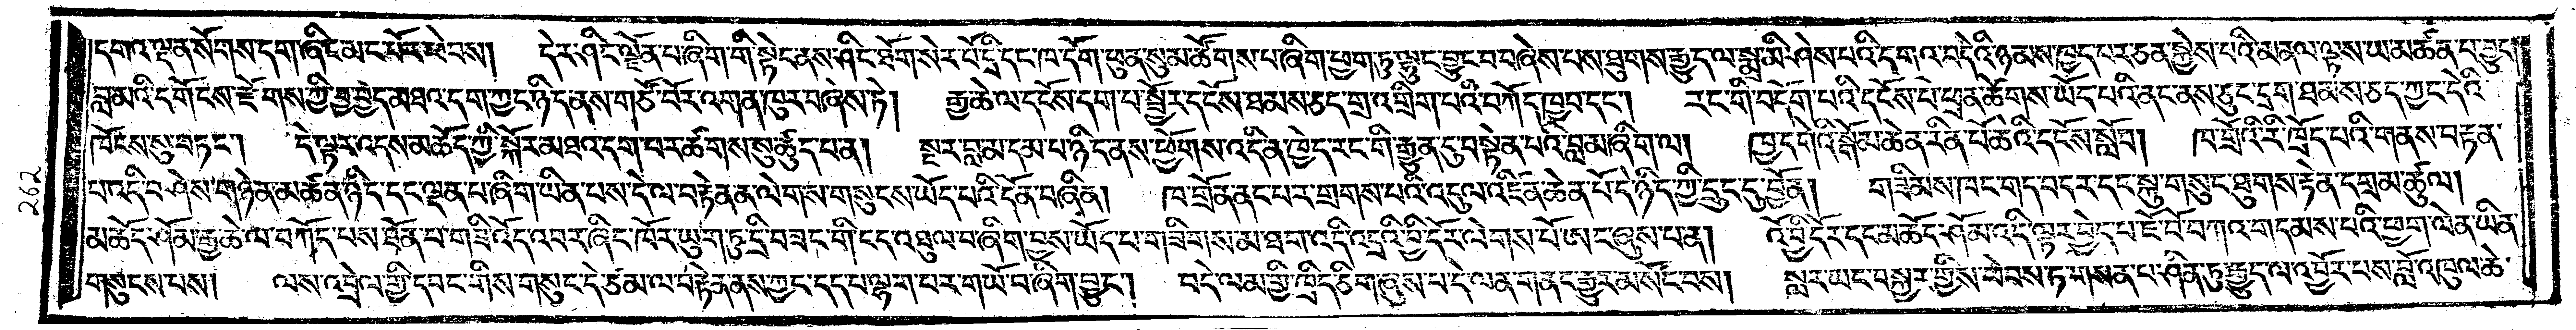དགའ་ལྡན་སོགས་དག་ཞིང་མང་པོར་ཕེབས། དེར་ཤིང་ལྔོན་པ་ཞིག་གི་སྟེང་ནས་ཤིང་ཐོག་སེར་བོ་དྲི་དང་ཁ་དོག་ཕུན་སུམ་ཚོགས་པ་ཞིག་ཕྱག་ཏུ་ལྷུང་བྱུང་བ་བཞེས་པས་ཐུགས་རྒྱུད་ལ་སྨྲ་མི་ཤེས་པའི་དགའ་བདེའི་ཉམས་ཁྱད་པར་ཅན་སྐྱེས་པའི་མནལ་ལྟས་ཡ་མཚན་པ་བྱུང་
བླ་མའི་དགོངས་རྫོགས་ཀྱི་བྱ་བྱེད་མཐའ་དག་ཀྱང་ཉིད་ནས་གཙོ་བོར་འགན་ཁུར་བཞེས་ཏེ། རྒྱ་ཆེ་ལ་དངོས་དག་པ་སྦྱོར་དངོས་ཐམས་ཅད་གྲ་འགྲིག་པའི་བཀོད་ཁྱབ་དང་། རང་གི་བདོག་པའི་དངོས་པོ་ཕྲན་ཚེགས་ཡོད་པའི་ནང་ནས་ཅུང་དྲག་ཐམས་ཅད་ཀྱང་དེའི་
ཁོངས་སུ་བཏང་། དེ་ལྟར་འདས་མཆོད་ཀྱི་སྐོར་མཐའ་དག་པར་ཚགས་སུ་ཚུད་པ་ན། སྔར་བླ་མ་དམ་པ་ཉིད་ནས་ཕྱོགས་འདི་ན་ཁྱེད་རང་གི་རྒྱུན་དུ་བསྟེན་པའི་བླ་མ་ཞིག་ལ། ཁྱད་དགེའི་སྒོམ་ཆེན་རིན་པོ་ཆེའི་དངོས་སློབ། ཁ་གྲོའི་རི་ཁྲོད་པའི་གནས་བརྟན་
པ་འདི་བཤེས་གཉེན་མཚན་ཉིད་དང་ལྡན་པ་ཞིག་ཡིན་པས་དེ་ལ་བརྟེན་ན་ལེགས་གསུངས་ཡོད་པའི་དོན་བཞིན། ཁ་གྲོན་ནང་པར་གྲགས་པའི་འདུལ་འཛིན་ཆེན་པོ་དེ་ཉིད་ཀྱི་དྲུང་དུ་བྱོན། གཟིམས་ཁང་གད་བདར་དང་སྐུ་གསུང་ཐུགས་རྟེན་དགྲམ་ཚུལ།
མཆོད་ཤོམ་རྒྱ་ཆེ་ལ་བཀོང་པས་ཐོན་པ་གཟི་འོད་འབར་ཞིང་ཁོར་ཡུག་ཏུ་དྲི་བཟང་གི་ངད་འཐུལ་བ་ཞིག་བྱས་ཡོད་པ་གཟིགས་མ་ཐག་འདི་འདྲའི་བྱི་དོར་ལེགས་པོ་དང་ཞུས་པ་ན། འོ་བྱི་དོར་དང་མཆོད་ཤོམ་འདི་ལྟར་བྱེད་པ་ཇོ་བོ་བཀའ་གདམས་པའི་ཕྱགས་ལེན་ཡིན་
གསུངས་པས། ལས་འབྲེལ་གྱི་དབང་གིས་གསུང་དེ་ཙམ་ལ་བརྟེན་ནས་ཀྱང་དད་པ་ལྷག་པར་གཡོ་བ་ཞིག་བྱུང་། བདེ་ལམ་གྱི་ཁྲིད་ཅིག་ཞུས་པ་དེ་ལན་གནང་རྒྱུར་མ་སོང་བས། སླར་ཡང་བསྐྱར་གྱིས་ཕེབས་ཏེ་གསན་པ་ཤིན་ཏུ་རྒྱུད་ལ་འབྱོར་པས་བློ་འཁུལ་ཆེ་